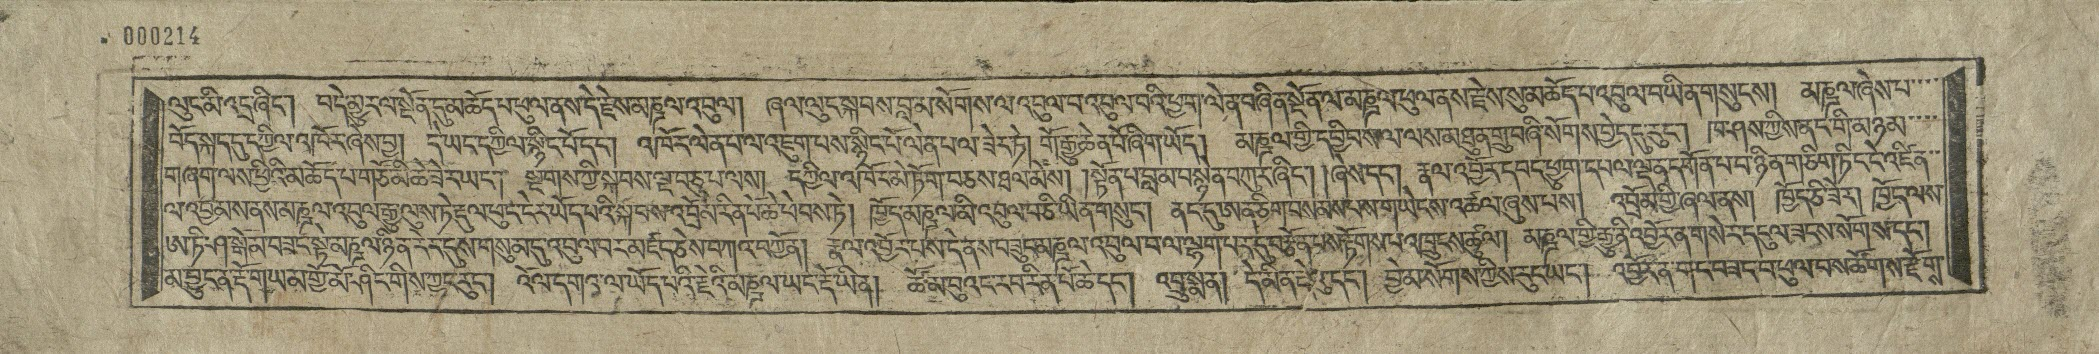ལུང་མི་འདྲ་ཞིང་། བདེ་མྱུར་ལ་སྔོན་དུ་མཆོད་པ་ཕུལ་ནས་དེ་རྗེས་མཎྜལ་འབུལ། ཞལ་ལུང་སྐབས་བླ་མ་སོགས་ལ་འབུལ་བ་འབུལ་བའི་ཕྱག་ལེན་བཞིན་སྔོན་ལ་མཎྜལ་ཕུལ་ནས་རྗེས་སུ་མཆོད་པ་འབུལ་བ་ཡིན་གསུངས། མཎྜལ་ཞེས་པ་
བོད་སྐད་དུ་དཀྱིལ་འཁོར་ཞེས་བྱ། དེ་ཡང་དཀྱིལ་སྙིང་པོ་དང་། འཁོར་ལེན་པ་ལ་འཇུག་པས་སྙིང་པོ་ལེན་པ་ལ་ཟེར་ཏེ། གོ་རྒྱུ་ཆེན་པོ་ཞིག་ཡོད། མཎྜལ་གྱི་དབྱིབས་ལ་ལས་མཐུན་གྲུ་བཞི་སོགས་བྱེད་དུ་རུང་། ཁ་ཤས་ཀྱིས་ནང་གི་མཉམ་
གཞག་ལས་ཕྱིའི་མཆོད་པ་གཙོ་མི་ཆེ་ཟེར་ཡང་། སྔགས་ཀྱི་སྐབས་ལྔ་བཅུ་པ་ལས། དཀྱིལ་འཁོར་མེ་ཏོག་བཅས་ཐལ་མོས། །སྟོན་པ་བླ་མ་བསྙེན་བཀུར་ཞིང་། །ཞེས་དང་། རྣལ་འབྱོར་དབང་ཕྱུག་དཔལ་ལྡན་དགོན་པ་བ་ཉིན་གཅིག་ཏིང་ངེ་འཛིན་
ལ་འབྱམས་ནས་མཎྜལ་འབུལ་རྒྱུ་ལུས་ཏེ་རྡུལ་ཕུང་ངེར་ཡོད་པའི་སྐབས་འབྲོམ་རིན་པོ་ཆེ་ཕེབས་ཏེ། ཁྱོད་མཎྜལ་མི་འབུལ་བ་ཅི་ཡིན་གསུང་། ནང་དུ་ཨན་ཅིག་བསམས་པས་གཡེངས་འཚལ་ཞུས་པས། འབྲོམ་གྱི་ཞལ་ནས། ཁྱོད་ཅི་ཟེར། ཁྱོད་ལས་
ཨ་ཏི་ཤ་སྒོམ་བཟང་སྟེ་མཎྜལ་ཉིན་རེར་དུས་གསུམ་དུ་འབུལ་བར་མཛད་ཅེས་བཀའ་བཀྱོན། རྣལ་འབྱོར་པས་དེ་ནས་བཟུང་མཎྜལ་འབུལ་བ་ལ་ལྷག་པར་དུ་བརྩོན་པས་རྟོགས་པ་འཁྲུངས་ཚུལ། མཎྜལ་གྱི་རྒྱུ་ནི་འབྱོར་ན་གསེར་དངུལ་ཟངས་སོགས་དང་།
མ་བྱུང་ན་རྡོ་གཡམ་གྱོ་མོ་ཤིང་གིས་ཀྱང་རུང་། འོལ་དགའ་ལ་ཡོད་པའི་རྗེའི་མཎྜལ་ཡང་རྡོ་ཡིན། ཚོམ་བུའང་རབ་རིན་པོ་ཆེ་དང་། འབྲུ་སྨན། དེ་མིན་རྡེའུ་དང་། བྱེ་མ་སོགས་ཀྱིས་རུང་ཡང་། འབྱོར་ན་གང་བཟང་བ་ཕུལ་བས་ཚོགས་རྫོགས་